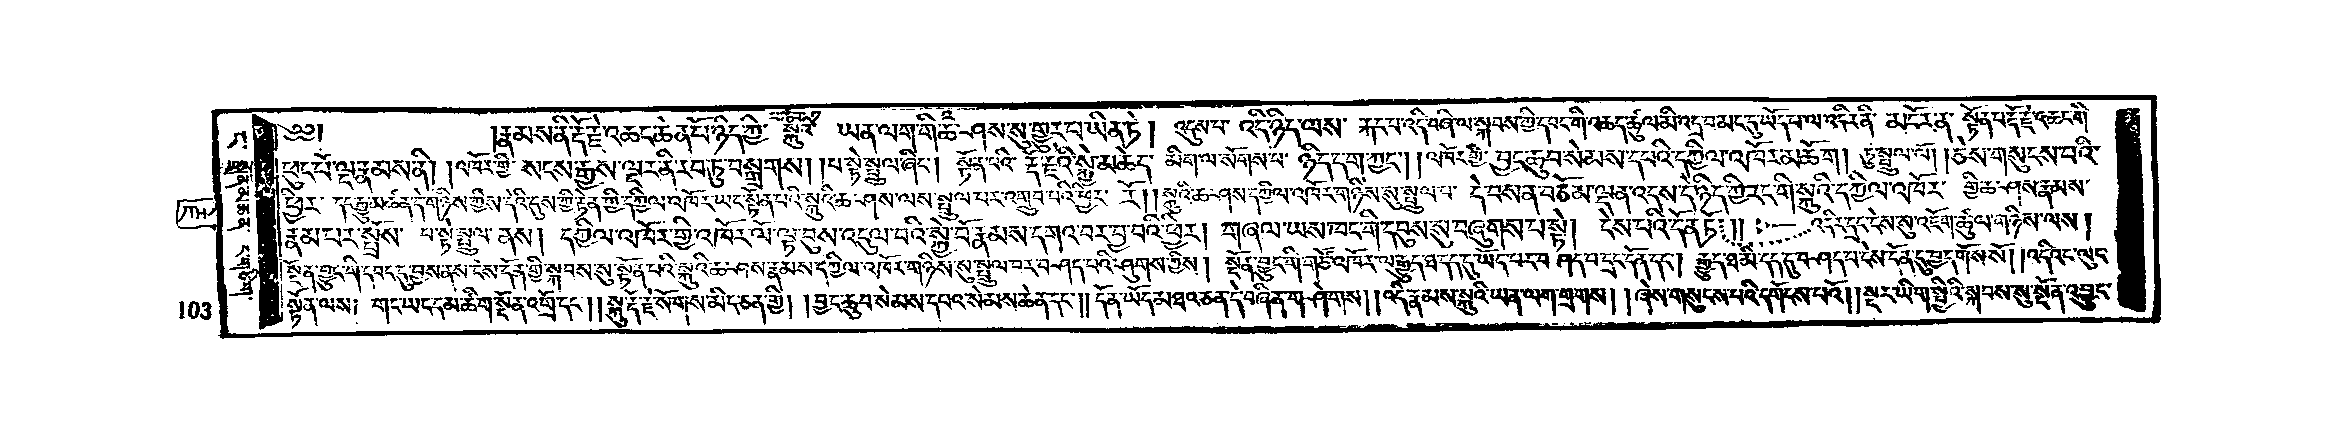༄༅། །རྣམས་ནི་རྡོ་རྗེ་འཆང་ཆེན་པོ་ཉིད་ཀྱི་པ་ཚབ ༡་སྐུའི་ཡན་ལག་གི ༢་ཆ་ཤས་སུ་གྱུར་པ་ཡིན་ཏེ། འདུས་པ་འདི་ཉིད་ལས་རྐང་པ་འདི་བཞི་ལ་སྐབས་ཀྱི་དབང་གི་འཆད་ཚུལ་མི་འདྲ་བ་མང་དུ་ཡོད་པ་ལ་འདིར་ནི་མདོར་ན་སྟོན་པ་རྡོ་རྗེ་འཆང་གི་
ཕུང་པོ་ལྔ་རྣམས་ནི། །འཁོར་གྱི་སངས་རྒྱས་ལྔར་ནི་རབ་ཏུ་བསྒྲགས། ། པ་སྟེ་སྤྲུལ་ཞིང་། སྟོན་པའི་རྡོ་རྗེའི་སྐྱེ་མཆེད་མིག་ལ་སོགས་པ་ཉིད་དག་ཀྱང་། །འཁོར་གྱི་བྱང་ཆུབ་སེམས་དཔའི་དཀྱིལ་འཁོར་མཆོག །ཏུ་སྤྲུལ་ལོ། །ཅེས་གསུངས་པའི་
ཕྱིར་དང་རྒྱུ་མཚན་དེ་གཉིས་ཀྱིས་དེའི་དུས་ཀྱི་རྟེན་གྱི་དཀྱིལ་འཁོར་ཡང་སྟེན་པའི་སྐུའི་ཆ་ཤས་ལས་སྤྲུལ་པར་འགྲུབ་པའི་ཕྱིར་རོ། ། སྐུའི་ཆ་ཤས་དཀྱིལ་འཁོར་གཉིས་སུ་སྤྲུལ་པ་དེ་བས་ན་བཅོམ་ལྡན་འདས་དེ་ཉིད་ཀྱི་རང་གི་སྐུའི་དཀྱིལ་འཁོར་གྱི་ཆ་ཤས་རྣམས
རྣམ་པར་སྤྲོས་པ་སྟེ་སྤྲུལ་ནས། དཀྱིལ་འཁོར་གྱི་འཁོར་ལོ་ལྟ་བུས་འདུལ་བའི་སྐྱེ་བོ་རྣམས་དགའ་བར་བྱ་བའི་ཕྱིར། གཞལ་ཡས་ཁང་གི་དབུས་སུ་བཞུགས་པ་སྟེ། ངེས་པའི་དོན་ཏོ།།H.་འདིར་དྲང་ངེས་སུ་འཇོག་ཚུལ་གཉིས་ལས།
སྔོན་བྱུང་གི་དབང་དུ་བྱས་ནས་ངེས་དོན་གྱི་སྐབས་སུ་སྟོན་པའི་སྐུའི་ཆ་ཤས་རྣམས་དཀྱིལ་འཁོར་གཉིས་སུ་སྤྲུལ་བར་བཤད་པའི་ཤུགས་ཀྱིས། སྔོན་བྱུང་གི་གཙོ་འཁོར་ལ་རྒྱུད་ཐ་དད་དུ་ཡོད་པར་བཤད་པ་དྲང་དོན་དང་། རྒྱུད་ཐ་མི་དད་དུ་བཤད་པ་ངེས་དོན་དུ་བྱ་དགོས་སོ། །འདིའང་ལུང་
སྟོན་ལས། གང་ཡང་དམ་ཚིག་སྔོན་འགྲོ་དང་། །སྐུ་རྡོ་རྗེ་སོགས་མིང་ཅན་གྱི། །བྱང་ཆུབ་སེམས་དཔའ་སེམས་ཆེན་དང་། །དོན་ཡོད་མཐའ་ཅན་དེ་བཞིན་གཤེགས། །འདི་རྣམས་སྐུའི་ཡན་ལག་གྲགས། །ཞེས་གསུངས་པའི་དགོངས་པའོ། །སྔར་ཡིག་སྤྱིའི་སྐབས་སུ་སྔོན་འབྱུང་